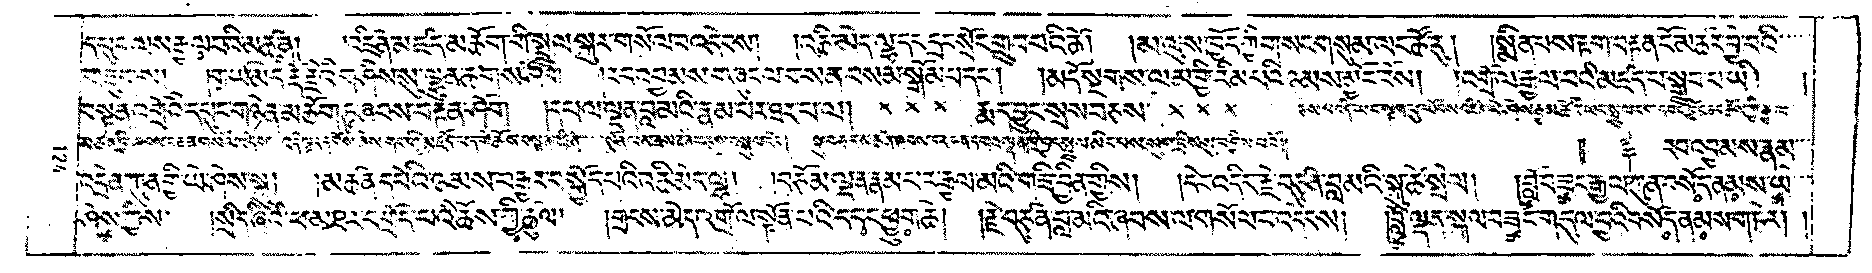དཔུང་ལས་རྒྱལ་བའི་མཚན། །འཛིན་མཛད་མཆོག་གི་སྤྲུལ་སྐུར་གསོལ་བ་འདེབས། །འཆི་མེད་ལྷ་དང་དྲང་སྲོང་གྲུབ་པའི་ཚེ། །མ་ལུས་ཁྱོད་ཀྱི་གསང་གསུམ་ལང་ཚོ་རུ། །སྨིན་པས་རྟག་བརྟན་ངོ་མཚར་བྱེ་བའི་
གཟུགས། །གཡོ་མེད་རྡོ་རྗེའི་གཤིས་སུ་ལྷུན་ཆགས་ཤོག །རབ་འབྱམས་གཞུང་ལ་གསན་བསམ་སྒོམ་པ་དང་། །མདོ་སྔགས་ལམ་གྱི་རིམ་པའི་ཉམས་མྱོང་རོས། །འགྲོ་ལ་རྒྱལ་བའི་མཛད་པ་སྒྲུབ་པ་ཡི། །
བསྟན་འགྲོའི་དཔུང་གཉེན་མཆོག་ཏུ་ཞབས་བརྟན་ཤོག །དཔལ་ལྡན་བླ་མའི་རྣམ་པར་ཐར་པ་ལ། ྾་྾་྾་རྨད་བྱུང་སྲས་བཅས་྾་྾་྾་ཅེས་པ་འདི་ཡང་སྟག་ཕུ་ཡོངས་འཛིན་ཡེ་ཤེས་རྒྱ་མཚོའི་ཡང་སྤྲུལ་ངག་དབང་བློ་བཟང་ཆོས་ཀྱི་རྒྱལ་
མཚན་གྱི་ཞབས་བརྟན་གསོལ་འདེབས་འདི་ལྟར་དགོས་ཞེས་གང་གི་མཛོད་པ་དགེ་ཆོས་བསྟན་འཛིན་སྨོན་ལམ་ནས་རྟེན་བཅས་བསྐུལ་ངོར། སྐུ་བཅར་མཚན་ཞབས་དར་ཧན་དགའ་ལྡན་ཁྲི་བྱང་སྤྲུལ་མིང་པས་སུག་བྲིས་སུ་བགྱིས་པའོ།། །། ༈ རབ་འབྱམས་རྣམ་
འདྲེན་ཀུན་གྱི་ཡེ་ཤེས་སྐུ། །མཚན་དཔེའི་ཉམས་བརྒྱར་བསྐྱོད་པའི་འཆི་མེད་ལྷ། །བཅོམ་ལྡན་རྣམ་པར་རྒྱལ་མའི་གཟི་བྱིན་གྱིས། །དེང་འདིར་རྗེ་བཙུན་བླ་མའི་སྐུ་ཚེ་སྤེལ། །བློ~྾་བཟང~྾་རྒྱལ་ཀུན་བསོད྾་ནམས྾་ཡེ~྾
ཤེས~྾་ཀྱིས། །སྲིད་ཞིའི་ཕ་མཐར་བགྲོད་པའི་ཆོས་ཀྱི྾་ཚུལ། །གྲངས་མེད་འགྲོ་ལ་སྟོན་པའི་དབང྾་ཕྱུག྾་ཆེ། །རྗེ་བཙུན་བླ་མའི་ཞབས་ལ་གསོལ་བ་འདེབས། །བློ~྾་ལྡན་སྐལ་བཟང~྾་གདུལ་བྱའི་བསོད་ནམས་གཏེར། །